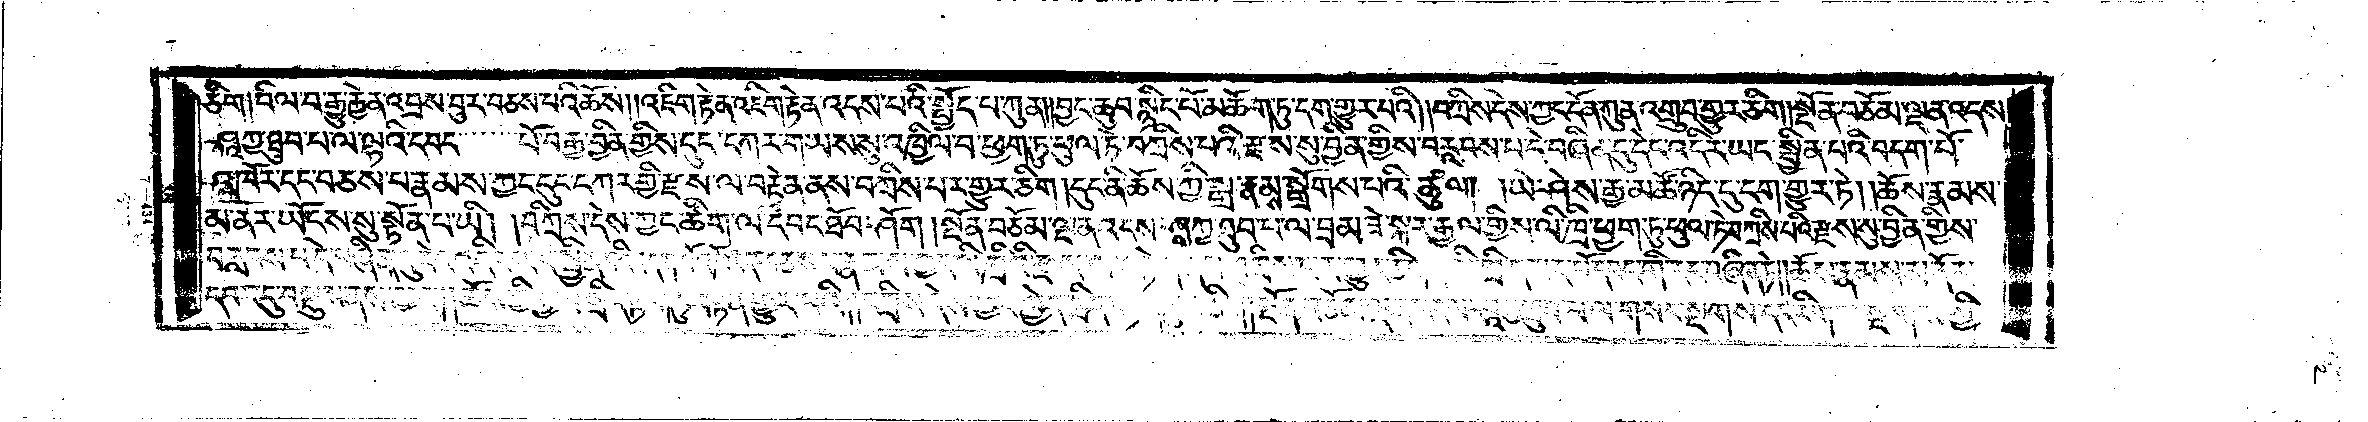ཅིག །བིལ་བ་རྒྱུ་རྐྱེན་འབྲས་བུར་བཅས་པའི་ཆོས། །འཇིག་རྟེན་འཇིག་རྟེན་འདས་པའི་སྤྱོད་པ་ཀུན། །བྱང་ཆུབ་སྙིང་པོ་མཆོག་ཏུ་དག་གྱུར་པའི། །བཀྲིས་དེས་ཀྱང་དོན་ཀུན་འགྲུབ་གྱུར་ཅིག། །སྔོན་བཅོམ་ལྡན་འདས་
ཤྰྐྱ་ཐུབ་པ་ལ་ལྷའི་དབང་པོ་བརྒྱ་བྱིན་གྱིས་དུང་དཀར་གཡས་སུ་འཁྱིལ་བ་ཕྱག་ཏུ་ཕུལ་ཏེ་བཀྲིས་པའི་རྫས་སུ་བྱིན་གྱིས་བརླབས་པ་དེ་བཞིན་དུ་དེང་འདིར་ཡང་སྦྱིན་པའི་བདག་པོ་
འཁོར་དང་བཅས་པ་རྣམས་ཀྱང་དུང་དཀར་གྱི་རྫས་ལ་བརྟེན་ནས་བཀྲིས་པར་གྱུར་ཅིག །དུང་ནི་ཆོས་ཀྱི་སྒྲ་རྣམས་སྒྲོགས་པའི་ཚུལ། །ཡེ་ཤེས་རྒྱ་མཚོ་ཉིད་དུ་དག་གྱུར་ཏེ། །ཆོས་རྣམས་
མ་ནོར་ཡོངས་སུ་སྟོན་པ་ཡི། །བཀྲིས་ངེས་ཀྱང་ཚིག་ལ་དབང་ཐོབ་ཤོག །སྔོན་བཅོམ་ལྡན་འདས་ཤཱཀྱ་ཐུབ་པ་ལ་བྲམ་ཟེ་སྐར་རྒྱལ་གྱིས་ལི་ཁྲི་ཕྱག་ཏུ་ཕུལ་ཏེ་བཀྲིས་པའི་རྫས་སུ་བྱིན་གྱིས་
བརླབས་པ་དེ་བཞིན་དུ་དེང་འདིར་ཡང་སྦྱིན་པའི་བདག་པོ་འཁོར་དང་བཅས་པ་རྣམས་ཀྱང་ལི་ཁྲིའི་རྫས་ལ་བརྟེན་ནས་བཀྲིས་པར་གྱུར་ཅིག །ལི་ཁྲི་དམར་པོ་དབང་གི་རང་བཞིན་ཏེ། །ཆོས་རྣམས་མ་ནོར་
དབང་དུ་བསྡུས་ནས་ཀྱང་། །ཆོས་ཀྱི་རྒྱལ་སྲིད་རྟག་ཏུ་བརྟན་གྱུར་པའི། །བཀྲིས་དེས་ཀྱང་ཁྱེད་སྲིད་བརྟན་གྱུར་ཅིག །སྔོན་བཅོམ་ལྡན་འདས་ཤཱཀྱ་ཐུབ་པ་ལ་གསང་སྔགས་དང་རིགས་སྔགས་ཀྱི་